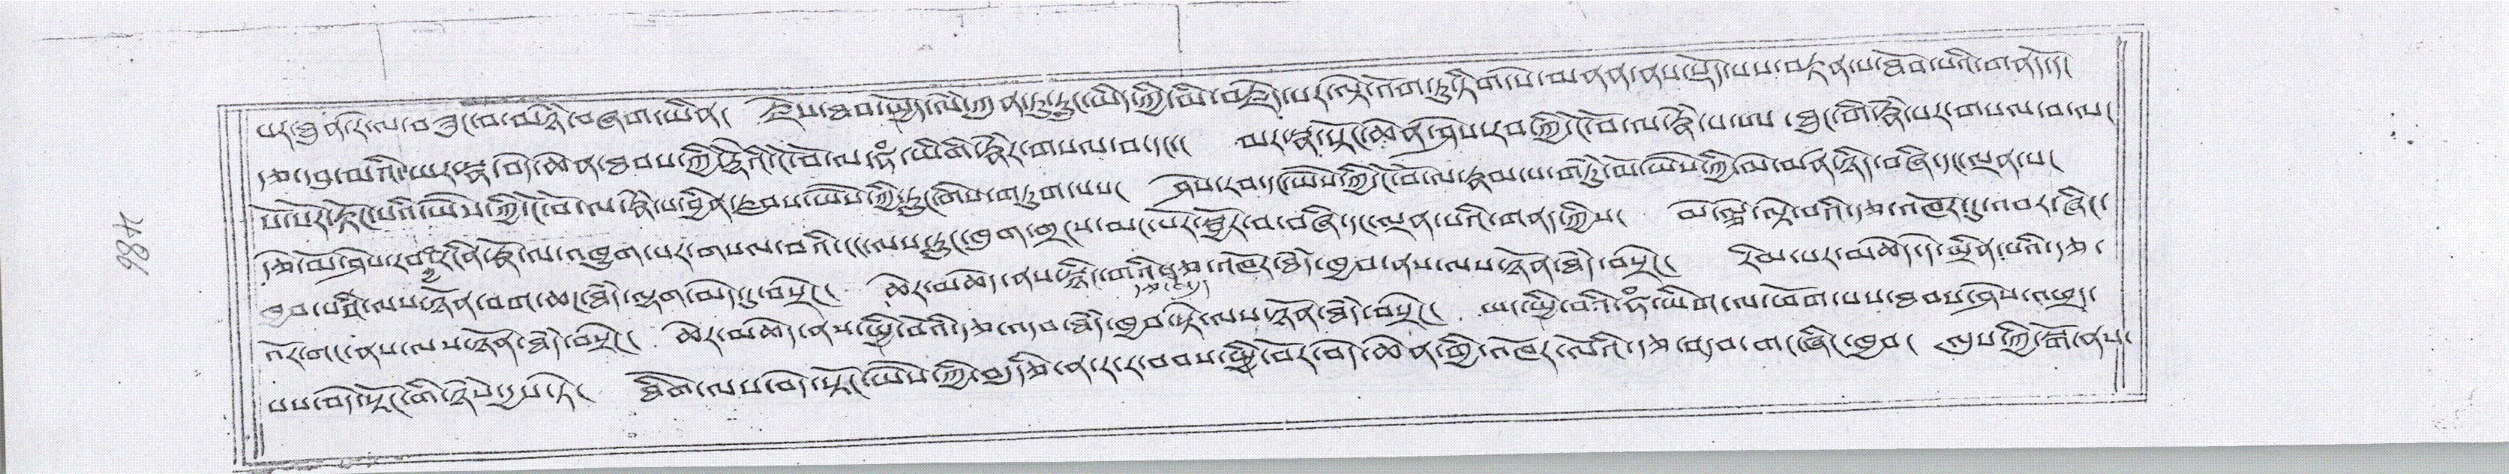པར་ཐུན་རེ་ལ་བཟུང་བ་མཉམ་གཞག་ཡིན། རྗེས་ཐོབ་སྤྱོད་ལམ་ཀུན་ཏུ་རླུང་ཡིད་ཀྱིས་མི་བརྗེད་པར་ལྟེ་འོག་ཏུ་ཏིག་སེ་མནན་ནས་སྡོད་པས་བརྟན་པ་ཐོབ་པའི་གནད་དོ། 
རྩ་དབུ་མའི་ཡར་སྣ་བདེ་ཆེན་ཐབས་ཀྱི་རྡོ་རྗེའི་ངོ་བོ་ལ་ཧཾ་ཡིག་གི་རྣམ་པར་གསལ་བ་དང་། མར་སྣ་སྟོང་ཆེན་ཤེས་རབ་ཀྱི་ངོ་བོ་ལ་རྣམ་པ་ཨ་ཐུང་གི་རྣམ་པར་གསལ་བ་ལ། 
སོ་སོར་རྟོགས་པའི་ཡེ་ཤེས་ཀྱི་ངོ་བོ་ལ། རྣམ་པ་བྱིན་རླབས་ཡེ་ཤེས་ཀྱི་རླུང་གིས་གཏུགས་པས། ཤེས་རབ་དང་ཡེ་ཤེས་ཀྱི་ངོ་བོ་ལ་རྣམ་པ་གཏུམ་མོ་ཡེ་ཤེས་ཀྱི་མེ་མཚན་ཉིད་བཞི་དང་ལྡན་པ། 
རྩེ་མོ་ཤེས་རབ་ཀྱི་རང་བཞིན་རྣོ་ལ་འཁྱུག་པར་གསལ་བའི་ངང་ལས་རླུང་ཁུག་གྲངས་མང་པོར་སྦྱོར་བ་བཞི་དང་ལྡན་པའི་གནད་ཀྱིས། མེ་ལྕེ་ལྟེ་བའི་རྩ་འཁོར་དུ་འབར་ཞིང་
ཁྱབ་པའི་ལས་ཉོན་བག་ཆགས་ཐམས་ཅད་ལྷག་མེད་དུ་བསྲེགས། ཆེར་མཆེད་ནས་སྙིང་གའི་རྩ་མདུད་རྩ་འཁོར་ཐམས་ཅད་ཁྱབ་ནས་ལས་ཉོན་ཐམས་ཅད་བསྲེགས། རིམ་པར་མཆེད་དེ་མགྲིན་པའི་རྩ་
འཁོར་གང་ནས་ལས་ཉོན་ཐམས་ཅད་བསྲེགས། ཆེར་མཆེད་ནས་སྤྱི་བོའི་རྩ་འདབ་ཐམས་ཅད་ཁྱབ་སྟེ་ལས་ཉོན་ཐམས་ཅད་བསྲེགས། ཡང་སྤྱི་བོའི་ཧཾ་ཡིག་ལ་ཕོག་པས་ཐབས་ཤེས་འཕྲད་
པས་བདེ་སྟོང་གི་ཉམས་རྒྱས་ཏེ། ཐིག་ལེ་ལས་བདེ་སྟོང་ཡེ་ཤེས་ཀྱི་བདུད་རྩི་ན་ར་ར་བབས་སྤྱི་བོ་བདེ་ཆེན་གྱི་འཁོར་ལོའི་རྩ་འདབ་གང་ཞིང་ཁྱབ། ལུས་ཀྱི་སྒོ་ནས་